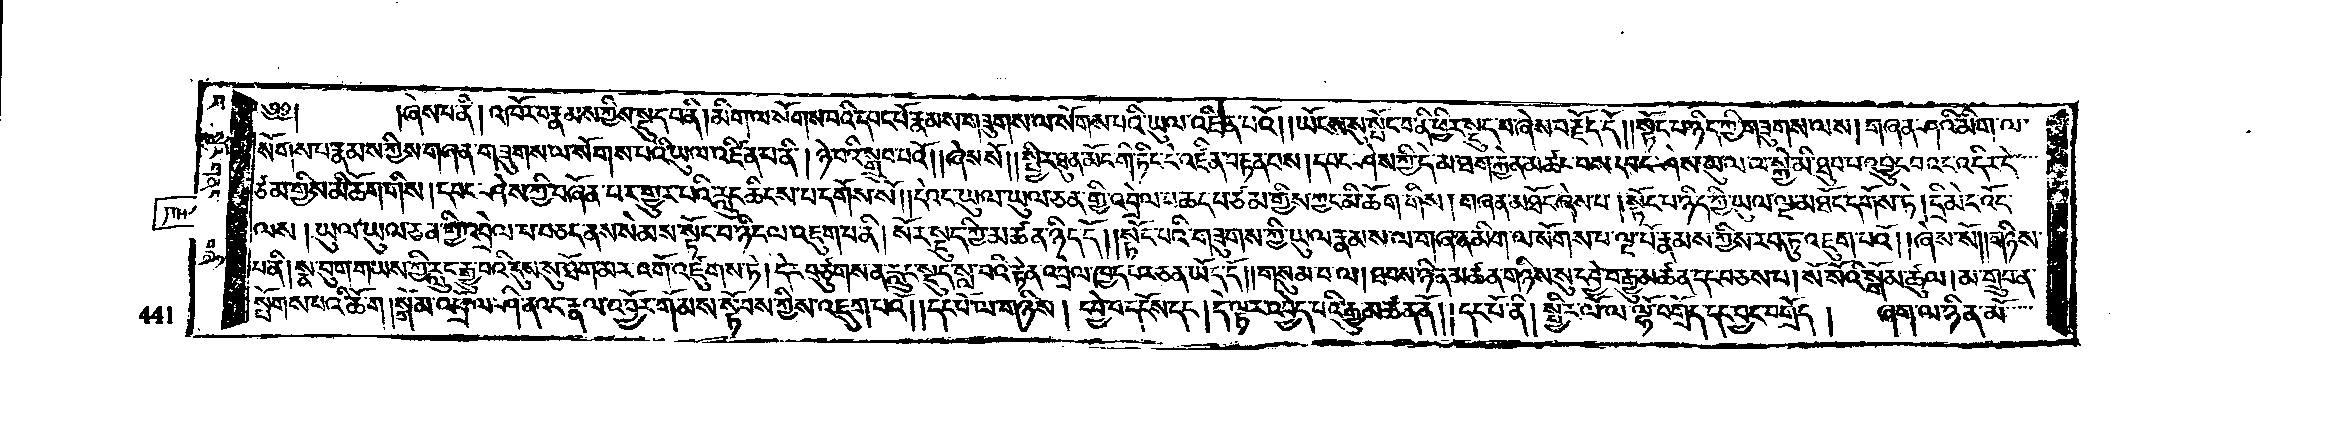༄༅། །ཞེས་པ་ནི། འཁོར་བ་རྣམས་ཀྱིས་སྡུད་པ་ནི། མིག་ལ་སོགས་པའི་དབང་པོ་རྣམས་གཟུགས་ལ་སོགས་པའི་ཡུལ་འཛིན་པའོ། །ཡོངས་སུ་སྤོང་བ་ནི་ཕྱིར་སྡུད་པ་ཞེས་བརྗོད་དོ། །སྟོང་པ་ཉིད་ཀྱི་གཟུགས་ལས། གཞན་ཤའི་མིག་ལ་
སོགས་པ་རྣམས་ཀྱིས་གཞན་གཟུགས་ལ་སོགས་པའི་ཡུལ་འཛིན་པ་ནི། ཉེ་བའི་སྒྲུབ་པའོ། །ཞེས་སོ། །སྤྱིར་ཐུན་མོང་གི་ཏིང་ངེ་འཛིན་བརྟན་པས། དབང་ཤེས་ཀྱི་དེ་མ་ཐག་རྐྱེན་མཚང་བས་དབང་ཤེས་ཡུལ་ལ་སྐྱེ་མི་ཐུབ་པ་འབྱུང་བའང་འདིར་དེ་
ཙམ་གྱིས་མི་ཆོག་གིས། དབང་ཤེས་ཀྱི་བཞོན་པར་གྱུར་པའི་རླུང་ཆིངས་པ་དགོས་སོ། །དེའང་ཡུལ་ཡུལ་ཅན་གྱི་འབྲེལ་པ་ཆད་པ་ཙམ་གྱིས་ཀྱང་མི་ཆོག་གིས། གཞན་མཐོང་ཞེས་པ། སྟོང་པ་ཉིད་ཀྱི་ཡུལ་ལྔ་མཐོང་དགོས་ཏེ། དྲི་མེད་འོད་
ལས། ཡུལ་ཡུལ་ཅན་གྱི་འབྲེལ་པ་བཅད་ནས་སེམས་སྟོང་པ་ཉིད་ལ་འཇུག་པ་ནི། སོར་སྡུད་ཀྱི་མཚན་ཉིད་དོ། །སྟོང་པའི་གཟུགས་ཀྱི་ཡུལ་རྣམས་ལ་གཞན་མིག་ལ་སོགས་པ་ལྔ་པོ་རྣམས་ཀྱིས་རབ་ཏུ་འཇུག་པའོ། །ཞེས་སོ། །གཉིས་
པ་ནི། སྣ་བུག་གཡས་ཀྱི་རླུང་རྒྱུ་བའི་དུས་སུ་ཐོག་མར་འགོ་འཛུགས་ཏེ། དེར་བཙུགས་ན་རླུང་སྡུད་སླ་བའི་རྟེན་འབྲེལ་ཁྱད་པར་ཅན་ཡོད་དོ། །གསུམ་པ་ལ། ཐབས་ཉིན་མཚན་གཉིས་སུ་དབྱེ་བ་རྒྱུ་མཚན་དང་བཅས་པ། སོ་སོའི་སྒོམ་ཚུལ། མ་གྲུབ་ན་
སྤོགས་པའི་ཆོ་ག །སྒོམ་འཕྲོ་ལ་ཤི་ནའང་རྣལ་འབྱོར་གོམས་སྟོབས་ཀྱིས་འཇུག་པའོ། །དང་པོ་ལ་གཉིས། དབྱེ་བ་དངོས་དང་། དེ་ལྟར་འབྱེད་པའི་རྒྱུ་མཚན་ནོ། །དང་པོ་ནི། སྤྱིར་ལོ་ལ་ལྷོ་བགྲོད་དང་བྱང་བགྲོད། ཞག་ལ་ཉིན་མོ་